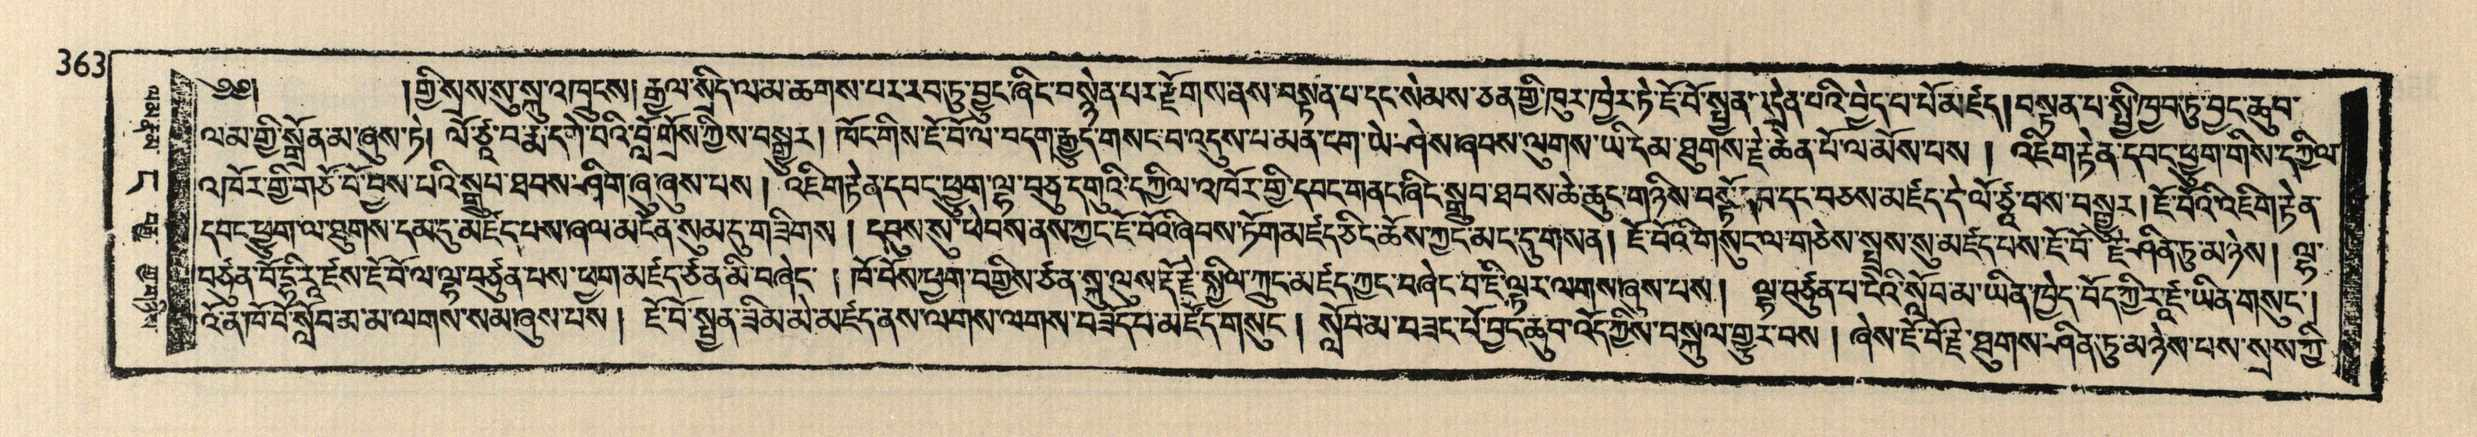༄༅། །གྱི་སྲས་སུ་སྐུ་འཁྲུངས། རྒྱལ་སྲིད་ལ་མ་ཆགས་པར་རབ་ཏུ་བྱུང་ཞིང་བསྙེན་པར་རྫོགས་ནས་བསྟན་པ་དང་སེམས་ཅན་གྱི་ཁུར་ཁྱེར་ཏེ་ཇོ་བོ་སྤྱན་འདྲེན་པའི་བྱེད་པ་པོ་མཛད། བསྟན་པ་སྤྱི་ཁྱབ་ཏུ་བྱང་ཆུབ་
ལམ་གྱི་སྒྲོན་མ་ཞུས་ཏེ། ལོ་ཙཱ་བ་རྨ་དགེ་བའི་བློ་གྲོས་ཀྱིས་བསྒྱུར། ཁོང་གིས་ཇོ་བོ་ལ་བདག་རྒྱུད་གསང་བ་འདུས་པ་མན་ངག་ཡེ་ཤེས་ཞབས་ལུགས་ཡི་དམ་ཐུགས་རྗེ་ཆེན་པོ་ལ་མོས་པས། འཇིག་རྟེན་དབང་ཕྱུག་གིས་དཀྱིལ་
འཁོར་གྱི་གཙོ་བོ་བྱས་པའི་སྒྲུབ་ཐབས་ཤིག་ཞུ་ཞུས་པས། འཇིག་རྟེན་དབང་ཕྱུག་ལྷ་བཅུ་དགུའི་དཀྱིལ་འཁོར་གྱི་དབང་གནང་ཞིང་སྒྲུབ་ཐབས་ཆེ་ཆུང་གཉིས་བསྟོན་བ་དང་བཅས་མཛད་དེ་ལོ་ཙཱ་བས་བསྒྱུར། ཇོ་བོའི་འཇིག་རྟེན་
དབང་ཕྱུག་ལ་ཐུགས་དམ་དུ་མཛད་པས་ཞལ་མངོན་སུམ་དུ་གཟིགས། དབུས་སུ་ཕེབས་ནས་ཀྱང་ཇོ་བོའི་ཞབས་ཏོག་མཛད་ཅིང་ཆོས་ཀྱང་མང་དུ་གསན། ཇོ་བོའི་གསུང་ལ་གཅེས་སྤྲས་སུ་མཛད་པས་ཇོ་བོ་རྗེ་ཤིན་ཏུ་མཉེས། ལྷ་
བཙུན་བོ་དྷི་རཱ་ཛས་ཇོ་བོ་ལ་ལྷ་བཙུན་པས་ཕྱག་མཛད་ཙ་ན་མི་བཞེང་། ཁོ་བོས་ཕྱག་བགྱིས་ཙ་ན་སྐུ་ལུས་རྡོ་རྗེ་སྐྱིལ་ཀྲུང་མཛད་ཀྱང་བཞེང་བ་ཇི་ལྟར་ལགས་ཞུས་པས། ལྷ་བཙུན་པ་དེའི་སློབ་མ་ཡིན་ཁྱེད་བོད་ཀྱི་རཱ་ཛ་ཡིན་གསུང་།
འོ་ན་ཁོ་བོ་སློབ་མ་མ་ལགས་སམ་ཞུས་པས། ཇོ་བོ་སྤྱན་ཟིམ་མེ་མཛད་ནས་ལགས་ལགས་བཟོད་པ་མཛོད་གསུང་། སློབ་མ་བཟང་པོ་བྱང་ཆུབ་འོད་ཀྱིས་བསྐུལ་གྱུར་བས། ཞེས་ཇོ་བོ་རྗེ་ཐུགས་ཤིན་ཏུ་མཉེས་པས་སྲས་ཀྱི་